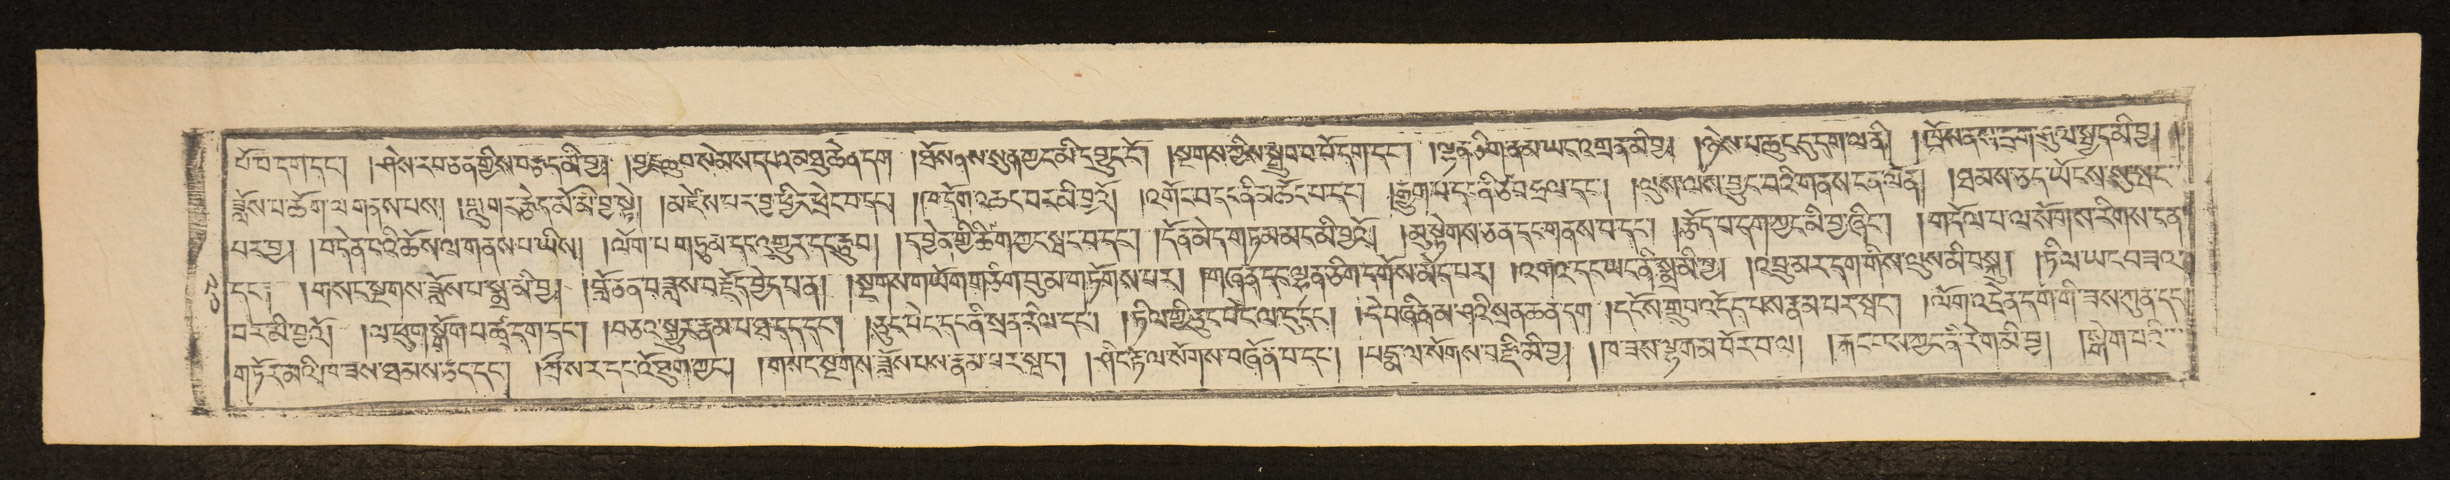པོ་པ་དག་དང་། །ཤེས་རབ་ཅན་གྱིས་བརྩད་མི་བྱ། །བྱང་ཆུབ་སེམས་དཔའ་མཐུ་ཆེན་དག །ཐོས་ནས་སུན་ཀྱང་མི་དབྱུང་ངོ། །སྔགས་ཀྱིས་སྒྲུབ་བ་པོ་དག་དང་། །ལྷན་ཅིག་ནམ་ཡང་འགྲན་མི་བྱ། །ཉེས་པ་ཆུང་དུ་དག་ལ་ནི། །ཁྲོས་ནས་དྲག་ཤུལ་སྤྱན་མི་བྱ། །
ཟློས་པ་ཆོ་ག་ལ་གནས་པས། །གླུ་གར་རྩེ་མོ་མ་བྱ་སྟེ། །མཛེས་པར་བྱ་ཕྱིར་ཕྲེང་བ་དང་། །ཁ་དོག་འཆང་བར་མི་བྱའོ། །འགོང་བ་དང་ནི་མཆོད་པ་དང་། །རྒྱུག་པ་དང་ནི་ཚབ་ཕྲལ་དང་། །ལུས་ལས་བྱུང་བའི་གནས་ངན་ལེན། །ཐམས་ཅད་ཡོངས་སུ་སྤང་
བར་བྱ། །བདེན་པའི་ཆོས་ལ་གནས་པ་ཡིས། །ལོག་པ་གཏུམ་དང་འགྱུར་དང་རྩུབ། །དབྱེན་གྱི་ཚིག་ཀྱང་སྤང་བ་དང་། །དོན་མེད་གཏམ་མང་མི་བྱའོ། །མུ་སྟེགས་ཅན་དང་གནས་པ་དང་། །རྩོད་པ་དག་ཀྱང་མི་བྱ་ཞིང་། །གདོལ་བ་ལ་སོགས་རིགས་ངན་
དང༑ །གསང་སྔགས་ཟློས་པ་སྨྲ་མི་བྱ། །བློ་ཅན་བཟླས་བརྗོད་བྱེད་པ་ན། །སྔགས་གཡོག་གཅིག་བུ་མ་གཏོགས་པར། །གཞན་དང་ལྷན་ཅིག་དགོས་མེད་པར། །འགའ་དང་ཡང་ནི་སྨྲ་མི་བྱ། །འབྲུ་མར་དག་གིས་ལུས་མི་བསྐུ། །ཏིལ་ཡང་བཟའ་
བར་མི་བྱའོ། །ལ་ཕུག་སྒོག་པ་ཚྭ་དག་དང་། །བཅའ་སྒྱུར་རྣམ་པ་ཐ་དད་དང་། །ཅུང་པེང་དང་ནི་སྲན་རིལ་དང་། །ཏིལ་གྱི་ཅུང་བདེ་ལ་དུ་དང་། །དེ་བཞིན་མ་ཤའི་སྲན་ཆད་དག །དངོས་གྲུབ་འདོད་པས་རྣམ་པར་སྦང་། །ལོག་འདྲེན་དག་གི་ཟས་ཀུན་དང་།
གཏོར་མའི་ཁ་ཟས་ཐམས་ཅད་དང་། །ཀྲོ་ས་ར་དང་འོ་ཐུག་ཀྱང་། །གསང་སྔགས་ཟློས་པས་རྣམ་པར་སྤང་། །ཤིང་རྟ་ལ་སོགས་བཞོན་པ་དང་། །པདམ་ལ་སོགས་བརྫི་མི་བྱ། །ཁ་ཟས་ལྷག་མ་བོར་བ་ལ། །རྐང་པས་ཀྱང་ནི་རེག་མི་བྱ། །སྒེག་པའི་